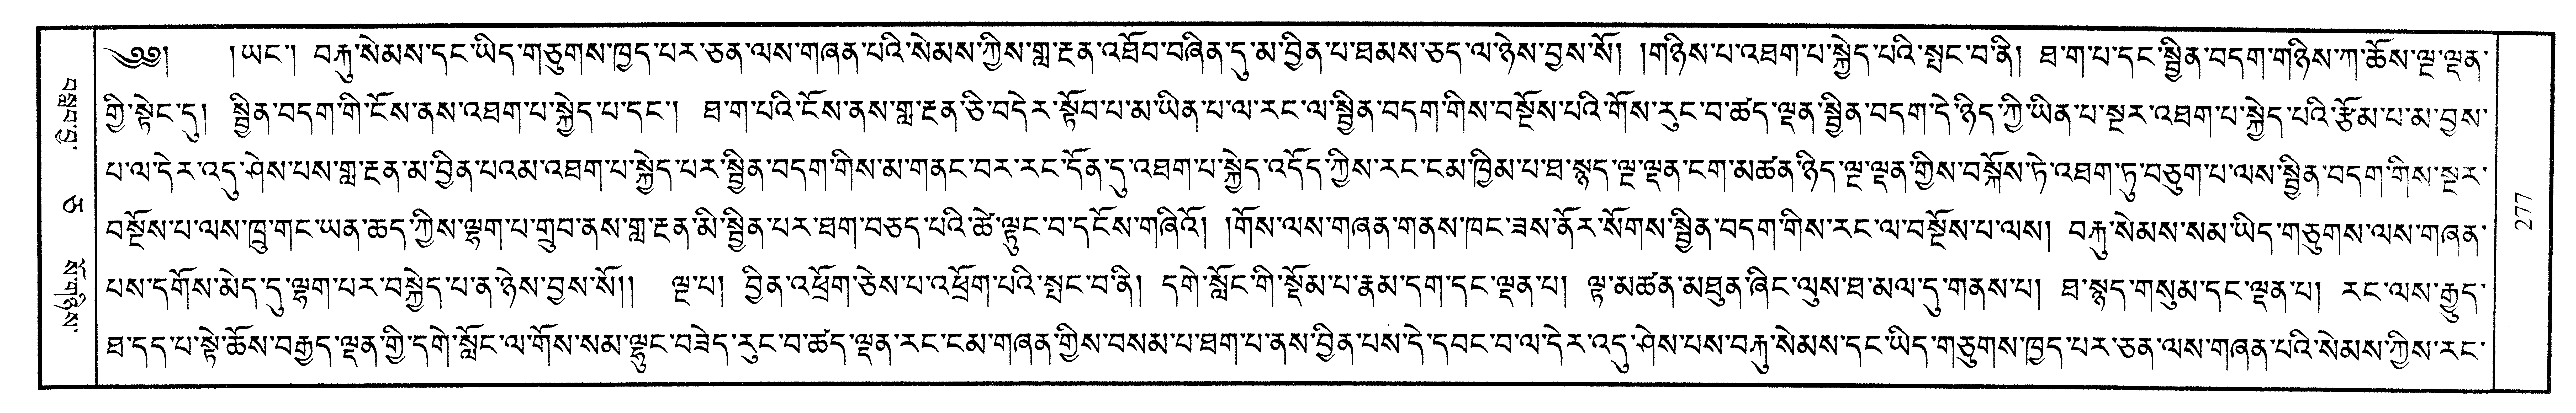༄༅། །ཡང་། བརྐུ་སེམས་དང་ཡིད་གཅུགས་ཁྱད་པར་ཅན་ལས་གཞན་པའི་སེམས་ཀྱིས་གླ་རྔན་འཐོབ་བཞིན་དུ་མ་བྱིན་པ་ཐམས་ཅད་ལ་ཉེས་བྱས་སོ། །གཉིས་པ་འཐག་པ་སྐྱེད་པའི་སྤང་བ་ནི། ཐ་ག་པ་དང་སྦྱིན་བདག་གཉིས་ཀ་ཆོས་ལྔ་ལྡན་
གྱི་སྟེང་དུ། སྦྱིན་བདག་གི་ངོས་ནས་འཐག་པ་སྐྱེད་པ་དང་། ཐ་ག་པའི་ངོས་ནས་གླ་རྔན་ཅི་བདེར་སྟོབ་པ་མ་ཡིན་པ་ལ་རང་ལ་སྦྱིན་བདག་གིས་བསྔོས་པའི་གོས་རུང་བ་ཚད་ལྡན་སྦྱིན་བདག་དེ་ཉིད་ཀྱི་ཡིན་པ་སྔར་འཐག་པ་སྐྱེད་པའི་རྩོམ་པ་མ་བྱས་
པ་ལ་དེར་འདུ་ཤེས་པས་གླ་རྔན་མ་བྱིན་པའམ་འཐག་པ་སྐྱེད་པར་སྦྱིན་བདག་གིས་མ་གནང་བར་རང་དོན་དུ་འཐག་པ་སྐྱེད་འདོད་ཀྱིས་རང་ངམ་ཁྱིམ་པ་ཐ་སྙད་ལྔ་ལྡན་ངག་མཚན་ཉིད་ལྔ་ལྡན་གྱིས་བསྐོས་ཏེ་འཐག་ཏུ་བཅུག་པ་ལས་སྦྱིན་བདག་གིས་སྔར་
བསྔོས་པ་ལས་ཁྲུ་གང་ཡན་ཆད་ཀྱིས་ལྷག་པ་གྲུབ་ནས་གླ་རྔན་མི་སྦྱིན་པར་ཐག་བཅད་པའི་ཚེ་ལྟུང་བ་དངོས་གཞིའོ། །གོས་ལས་གཞན་གནས་ཁང་ཟས་ནོར་སོགས་སྦྱིན་བདག་གིས་རང་ལ་བསྔོས་པ་ལས། བརྐུ་སེམས་སམ་ཡིད་གཅུགས་ལས་གཞན་
པས་དགོས་མེད་དུ་ལྷག་པར་བསྐྱེད་པ་ན་ཉེས་བྱས་སོ།། ལྔ་པ། བྱིན་འཕྲོག་ཅེས་པ་འཕྲོག་པའི་སྤང་བ་ནི། དགེ་སློང་གི་སྡོམ་པ་རྣམ་དག་དང་ལྡན་པ། ལྟ་མཚན་མཐུན་ཞིང་ལུས་ཐ་མལ་དུ་གནས་པ། ཐ་སྙད་གསུམ་དང་ལྡན་པ། རང་ལས་རྒྱུད་
ཐ་དད་པ་སྟེ་ཆོས་བརྒྱད་ལྡན་གྱི་དགེ་སློང་ལ་གོས་སམ་ལྷུང་བཟེད་རུང་བ་ཚད་ལྡན་རང་ངམ་གཞན་གྱིས་བསམ་པ་ཐག་པ་ནས་བྱིན་པས་དེ་དབང་བ་ལ་དེར་འདུ་ཤེས་པས་བརྐུ་སེམས་དང་ཡིད་གཅུགས་ཁྱད་པར་ཅན་ལས་གཞན་པའི་སེམས་ཀྱིས་རང་